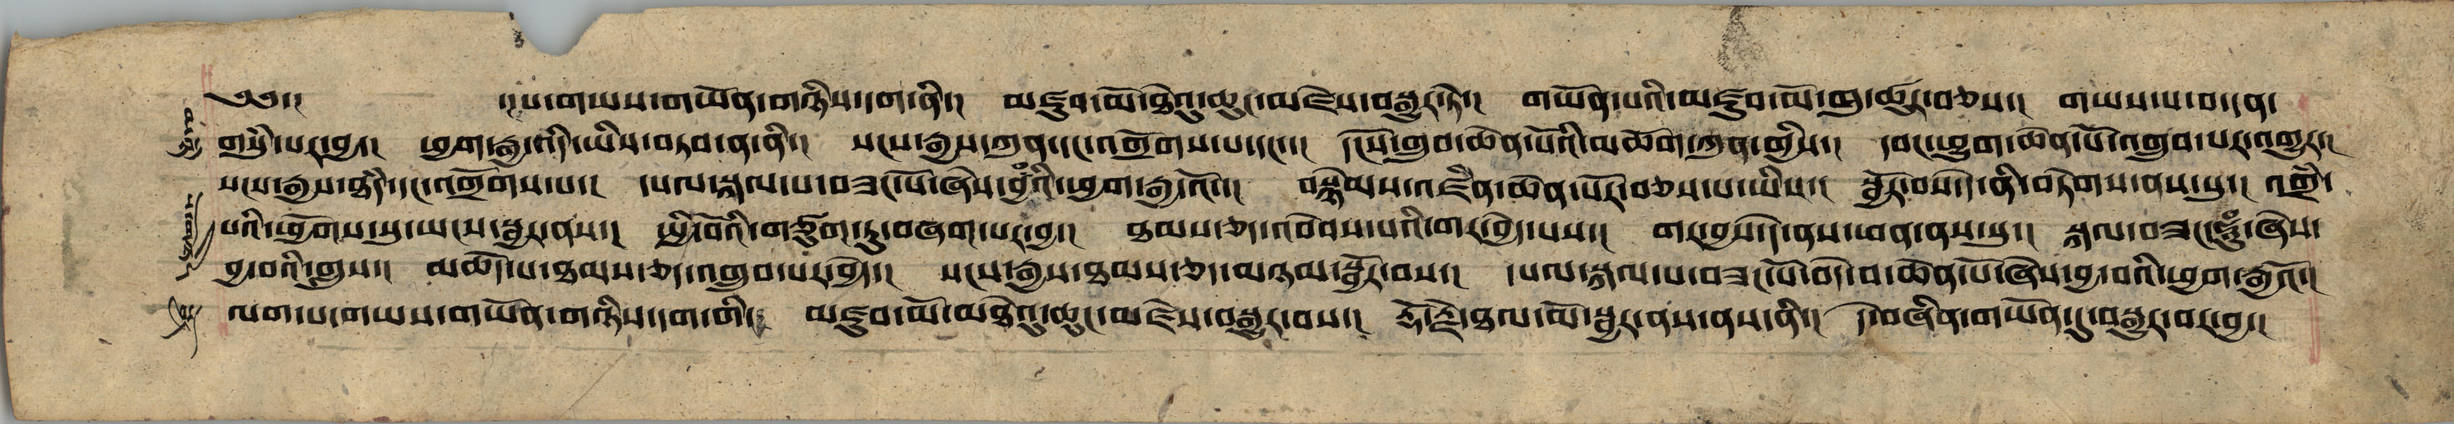༄༅་། ་།པ་གཡས་གཡོན་གཉིས་དག་ནི་། མཇུབ་མོ་ཐེའུ་ཆུང་མཛེས་བསྒྱུར་ཏེ་། གཡོན་པའི་མཛུབ་མོ་ཁུ་ཚུར་བཅས་། གཡས་པ་བ་དན་
གསུཾ་པར་བྱ་། ཕྱག་རྒྱ་འདི་ཡིས་བཏབ་ན་ནི་། སངས་རྒྱས་ཀུན་དང་འགྲོགས་པ་དང་་། དངོས་གྲུབ་ཆེན་པོའི་མཆོག་ཀུན་གྱིས་། དབང་ཕྱུག་ཆེན་པོ་འགྲུབ་པར་འགྱུར་།
སངས་རྒྱས་ཐཾད་དང་འགྲོགས་པ་། དཔལ་སྐལ་པ་བཟང་པོ་ཞེས་བྱའི་ཕྱག་རྒྱ་འོ་་། བསྙེམས་འཛིན་ཆེན་པོར་བཅས་པ་ཡིས་། སྦྱོར་བས་དེ་ནི་བཏེགས་ནས་སུ་། འགྲཾ་
པའི་ཕྱོགས་སུ་ཡངས་སྦྱར་ནས་། སྤྱི་བོའི་གཙུག་ཏུ་བཞག་པར་བྱ་། ཐམས་ཅད་འབེབས་པའི་གར་བྱེད་པས་། གར་བྱས་དེ་ནས་ཕན་ནས་སུ་། སྐལ་བཟང་ཧཱུཾ་ཞེས་
བྱ་བའི་གླུས་། མཆོད་པ་ཐམས་ཅད་འགྲུབ་པར་བྱེད་། སངས་རྒྱས་ཐམས་ཅད་མཉམ་སྦྱོར་བས་། དཔལ་སྐལ་པ་བཟང་པོ་བདེ་བ་ཆེན་པོ་ཞེས་བྱ་བའི་ཕྱག་རྒྱའོ་།
ལག་པ་གཡས་གཡོན་གཉིས་དག་གི། མཛུབ་མོ་མཐེའུ་ཆུང་མཛེས་བསྒྱུར་བས་། རྡོ་རྗེ་ཐལ་མོ་སྦྱར་ནས་ནས་ནི་། དེ་བཞིན་གཡོན་དུ་བསྒྱུར་བར་བྱ་།